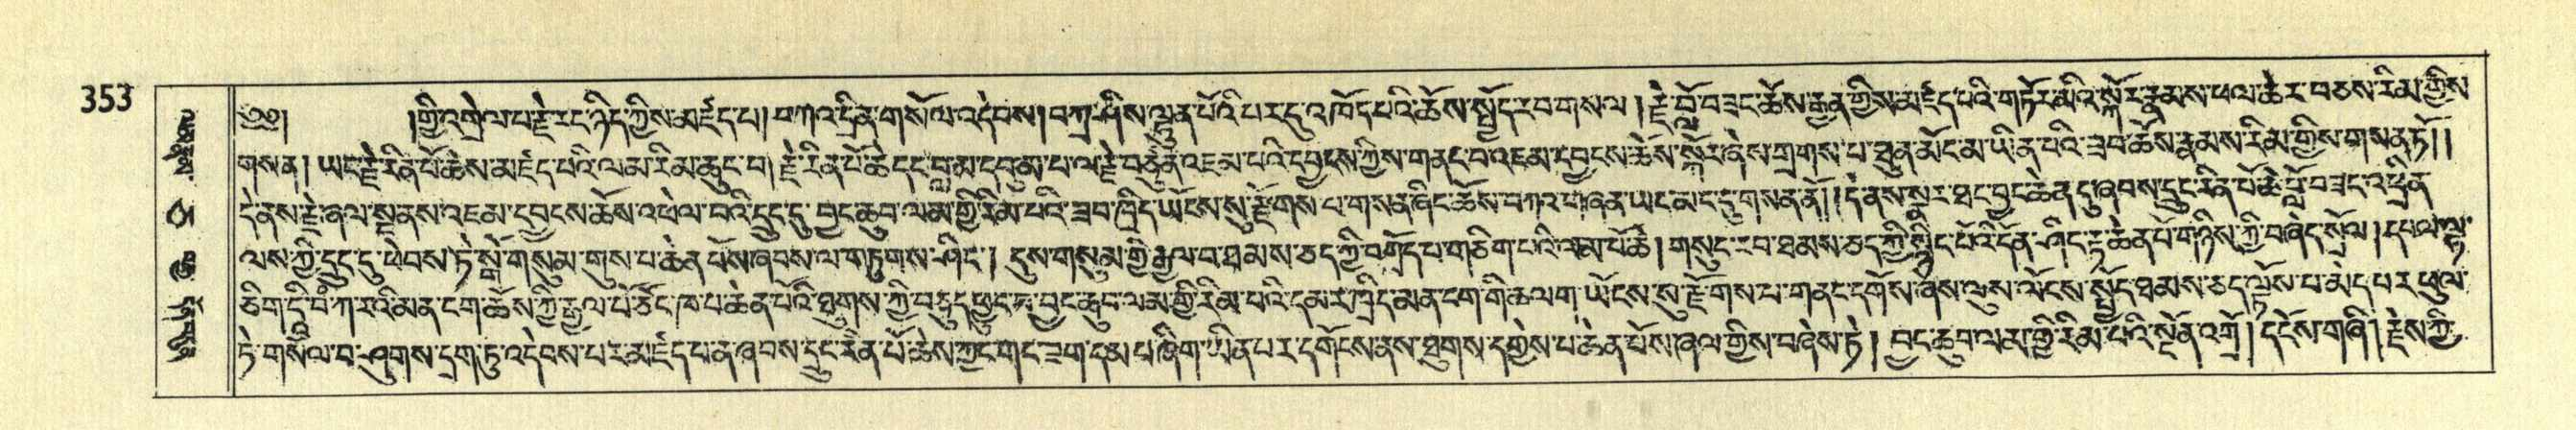༄༅། །གྱི་འགྲེལ་པ་རྗེ་རང་ཉིད་ཀྱིས་མཛད་པ། བཀའ་དྲིན་གསོལ་འདེབས། བཀྲ་ཤིས་ལྷུན་པོའི་པར་དུ་འཁོད་པའི་ཆོས་སྤྱོད་རབ་གསལ། རྗེ་བློ་བཟང་ཆོས་རྒྱན་གྱིས་མཛད་པའི་གཏོར་མའི་སྐོར་རྣམས་ཕལ་ཆེར་བཅས་རིམ་གྱིས་
གསན། ཡང་རྗེ་རིན་པོ་ཆེས་མཛད་པའི་ལམ་རིམ་ཆུང་བ། རྗེ་རིན་པོ་ཆེ་དང་བླ་མ་དབུ་མ་པ་ལ་རྗེ་བཙུན་འཇམ་པའི་དབྱངས་ཀྱིས་གནང་བ་འཇམ་དབྱངས་ཆོས་སྐོར་ཞེས་གྲགས་པ་ཐུན་མོང་མ་ཡིན་པའི་ཟབ་ཆོས་རྣམས་རིམ་གྱིས་གསན་ཏོ།།
དེ་ནས་རྗེ་ཞལ་སྔ་ནས་འཇམ་དབྱངས་ཆོས་འཕེལ་བའི་དྲུང་དུ་བྱང་ཆུབ་ལམ་གྱི་རིམ་པའི་ཟབ་ཁྲིད་ཡོངས་སུ་རྫོགས་པ་གསན་ཞིང་ཆོས་བཀའ་གཞན་ཡང་མང་དུ་གསན་ནོ། །དེ་ནས་སྣར་ཐང་བྱང་ཆེན་དུ་ཞབས་དྲུང་རིན་པོ་ཆེ་བློ་བཟང་འཕྲིན་
ལས་ཀྱི་དྲུང་དུ་ཕེབས་ཏེ་སྒོ་གསུམ་གུས་པ་ཆེན་པོས་ཞབས་ལ་གཏུགས་ཤིང་། དུས་གསུམ་གྱི་རྒྱལ་བ་ཐམས་ཅད་ཀྱི་བགྲོད་པ་གཅིག་པའི་ལམ་པོ་ཆེ། གསུང་རབ་ཐམས་ཅད་ཀྱི་སྙིང་པོའི་དོན་ཤིང་རྟ་ཆེན་པོ་གཉིས་ཀྱི་བཞེད་སྲོལ་།དཔལ་ལྟ་
ཅིག་འདི་བཾ་ཀ་རའི་མན་ངག་ཆོས་ཀྱི་རྒྱལ་པོ་ཙོང་ཁ་པ་ཆེན་པོའི་ཐུགས་ཀྱི་བཅུད་ཕྱུང་བ་བྱང་ཆུབ་ལམ་གྱི་རིམ་པའི་དམར་ཁྲིད་མན་ངག་གི་ཆ་ལག་ཡོངས་སུ་རྫོགས་པ་གནང་དགོས་ཞེས་ལུས་ལོངས་སྤྱོད་ཐམས་ཅད་ལྟོས་པ་མེད་པར་ཕུལ་
ཏེ་གསོལ་བ་ཤུགས་དྲག་ཏུ་འདེབས་པར་མཛད་པ་ན་ཞབས་དྲུང་རིན་པོ་ཆེས་ཀྱང་གང་ཟག་དམ་པ་ཞིག་ཡིན་པར་དགོངས་ནས་ཐུགས་དགྱེས་པ་ཆེན་པོས་ཞལ་གྱིས་བཞེས་ཏེ། བྱང་ཆུབ་ལམ་གྱི་རིམ་པའི་སྔོན་འགྲོ། དངོས་གཞི། རྗེས་ཀྱི་